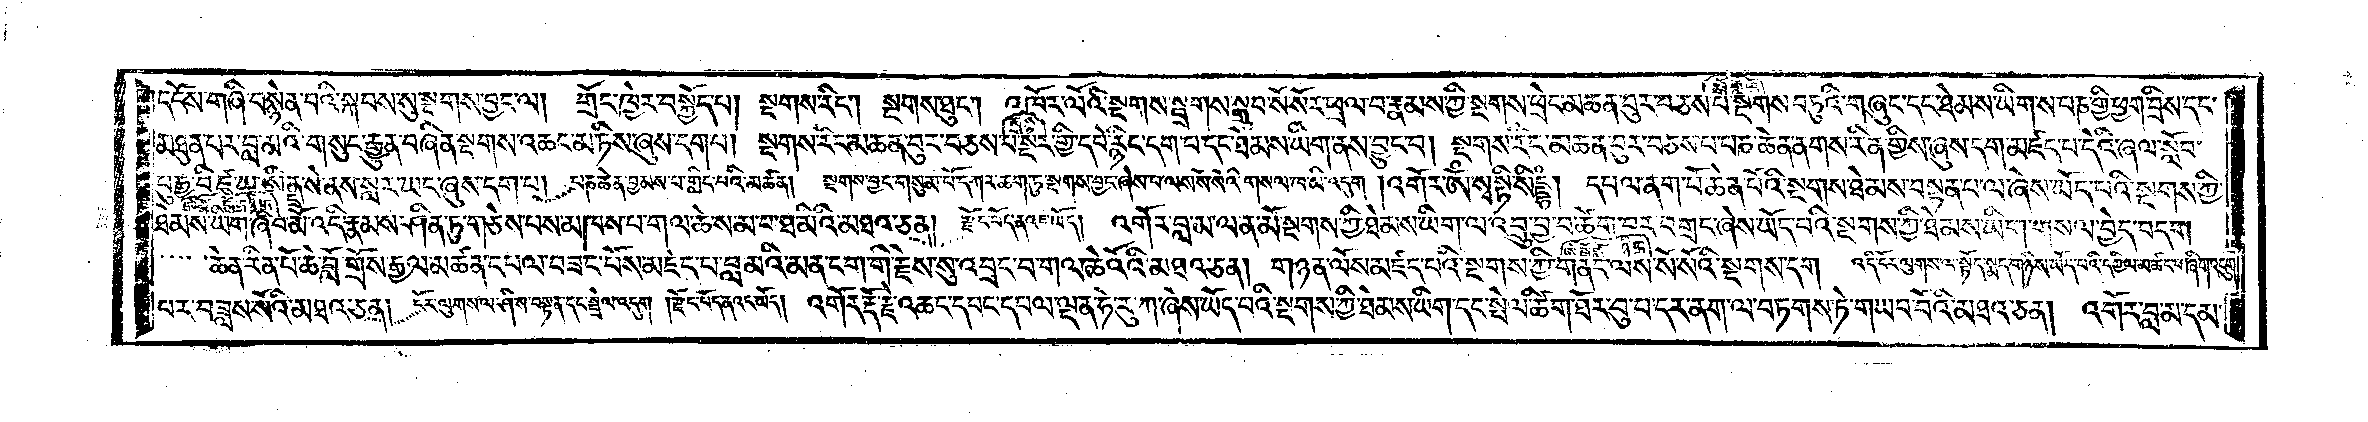དངོས་གཞི་བསྙེན་པའི་སྐབས་སུ་སྔགས་བྱང་ལ། གྲོང་ཁྱེར་བསྐྱོད་པ། སྔགས་རིང་། སྔགས་ཐུང་། འཁོར་ལོའི་སྔགས་སྦྲགས་སྒྲུབ་སོ་སོར་ཕྲལ་བ་རྣམས་ཀྱི་སྔགས་ཕྲེང་མཆན་བུར་བཅས་པ་སྔགས་བཏུའི་གཞུང་དང་ཐེམས་ཡིག་ས་པཎ་གྱི་ཕྱག་བྲིས་དང་
མཐུན་པར་བླ་མའི་གསུང་རྒྱུན་བཞིན་སྔགས་འཆང་མ་ཏིས་ཞུས་དག་པ། སྔགས་རིང་མཆན་བུར་བཅས་པ་སྔར་གྱི་དཔེ་རྙིང་དག་པ་དང་ཐེམས་ཡིག་ནས་བྱུང་བ། སྔགས་རིང་མཆན་བུར་བཅས་པ་པཎ་ཆེན་ནགས་རིན་གྱིས་ཞུས་དག་མཛད་པ་དེའི་ཞལ་སློབ་
བུ་རྒྱ་བིཛ་ཡ་སིནྡྲ་སེ་ནས་སླར་ཡང་ཞུས་དག་པ། པཎ་ཆེན་བྱམས་པ་གླིང་པའི་མཚན། སྔགས་བྱང་གསུམ་པོ་དཀར་ཆག་ཏུ་སྔགས་བྱང་ཞེས་པ་ལས་སོ་སོའི་གསལ་བ་མི་འདུག །  འགོར་ཨོཾ་སྭ་སྟི་སིདྡྷཾ། དཔལ་ནག་པོ་ཆེན་པོའི་སྔགས་ཐེམས་བསྟན་པ་ལ་ཞེས་ཡོད་པའི་སྔགས་ཀྱི་
ཐེམས་ཡིག་ཞིབ་མོ་འདི་རྣམས་ཤིན་ཏུ་གཅེས་པས་མཁས་པ་གལ་ཆེ་ས་མ་པ་ཐ་མིའི་མཐའ་ཅན། ་རྫོང་པོད་ནའང་ཡོད།  འགོར་བླ་མ་ལན་མོ་སྔས་ཀྱི་ཐེམས་ཡིག་ལ་འབྲུ་བྱ་བ་ཚེག་བར་བགྲང་ཞེས་ཡོད་པའི་སྔགས་ཀྱི་ཐེམས་ཡིག་གསལ་བྱེད་བདག་
ཆེན་རིན་པོ་ཆེ་བློ་གྲོས་རྒྱལ་མཚན་དཔལ་བཟང་པོས་མཛད་པ་བླ་མའི་མན་ངག་གི་རྗེས་སུ་འབྲང་བ་གལ་ཆེའོའི་མཐའ་ཅན། གཉན་ལོས་མཛད་པའི་སྔགས་ཀྱི་གནང་ལས་སོ་སོའི་སྔགས་དག་འདི་ངོར་ལུགས་ལ་སྟོད་སྨད་གཉིས་ཡོད་པའི་དཀྱིལ་མ་ཚང་བ་ཞིག་འབུལ
བར་བཟླས་སོའི་མཐའ་ཅན། ངོར་ལུགས་ལ་ཤིས་བསྟན་དང་སྦྲེལ་འདུག །རྫོང་པོད་ནའང་ཡོད།  འགོར་རྡོ་རྗེ་འཆང་དབང་དཔལ་ལྡན་ཧེ་རུ་ཀ་ཞེས་ཡོད་པའི་སྔགས་ཀྱི་ཐེམས་ཡིག་དང་སྤེལ་ཚིག་ཐོར་བུ་པ་དར་ནག་ལ་བཏགས་ཏེ་གཡབ་བོའི་མཐའ་ཅན། འགོར་བླ་མ་དམ་